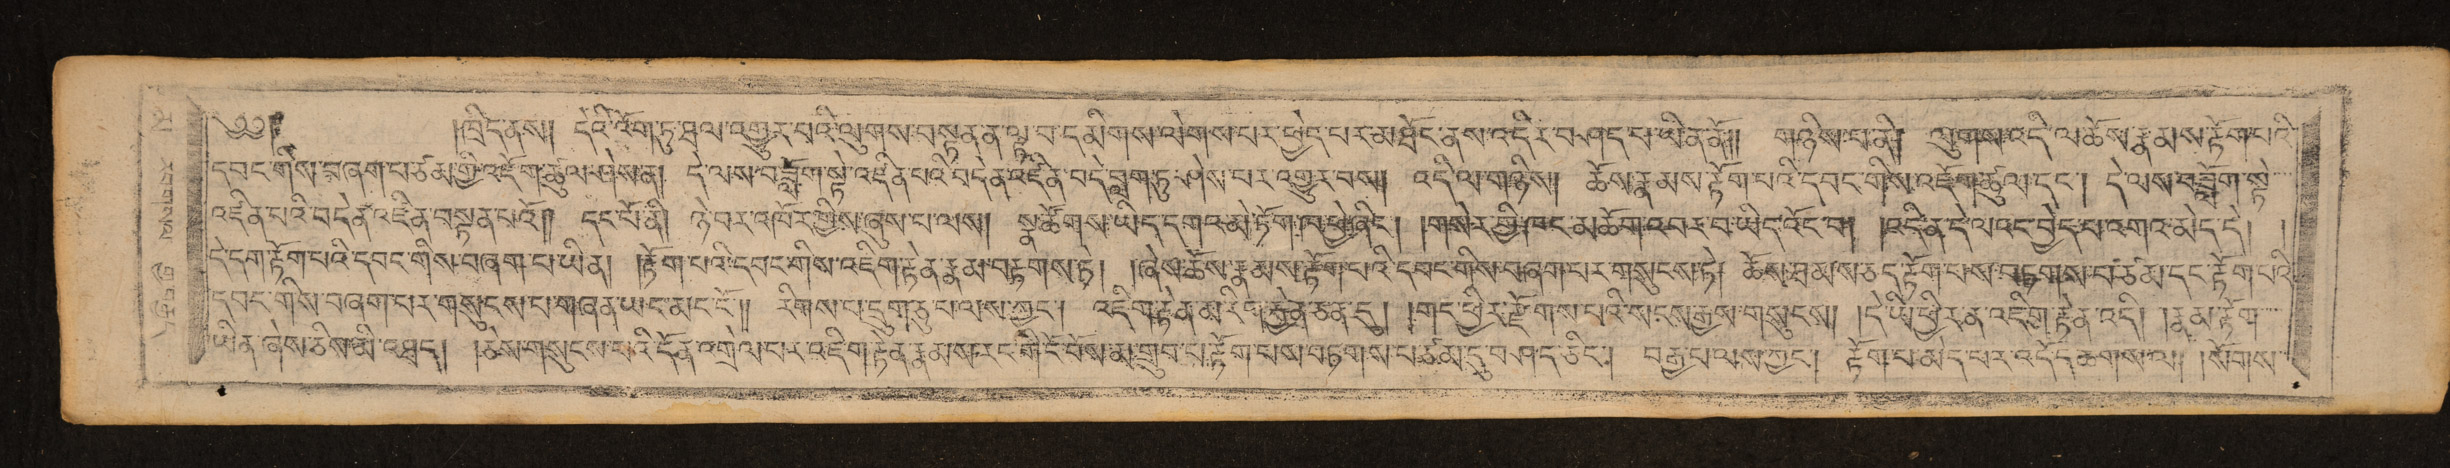༄༅། །ཁྲིད་ནས། དེའི་འོག་ཏུ་ཐལ་འགྱུར་བའི་ལུགས་བསྟན་ན་ལྟ་བ་དམིགས་ལེགས་པར་ཕྱེད་པར་མཐོང་ནས་འདིར་བཤད་པ་ཡིན་ནོ།། གཉིས་པ་ནི། ལུགས་འདི་ལ་ཆོས་རྣམས་རྟོག་པའི་
དབང་གིས་བཞག་པ་ཙམ་གྱི་འཇོག་ཚུལ་ཤེས་ན། དེ་ལས་བཟློག་སྟེ་འཛིན་པའི་བདེན་འཛིན་བདེ་བླག་ཏུ་ཤེས་པར་འགྱུར་བས། འདི་ལ་གཉིས། ཆོས་རྣམས་རྟོག་པའི་དབང་གིས་འཇོག་ཚུལ་དང་། དེ་ལས་བཟློག་སྟེ་
འཛིན་པའི་བདེན་འཛིན་བསྟན་པའོ།། དང་པོ་ནི། ཉེ་བར་འཁོར་གྱིས་ཞུས་པ་ལས། སྣ་ཚོགས་ཡིད་དགའ་མེ་ཏོག་ཁ་ཕྱེ་ཞིང་། །གསེར་གྱི་ཁང་མཆོག་འབར་བ་ཡིད་འོང་བ། །འདི་ན་དེ་ལའང་བྱེད་པ་འགའ་མེད་དེ།།
དེ་དག་རྟོག་པའི་དབང་གིས་བཞག་པ་ཡིན། །རྟོག་པའི་དབང་གིས་འཇིག་རྟེན་རྣམ་བརྟགས་ཏེ། །ཞེས་ཆོས་རྣམས་རྟོག་པའི་དབང་གིས་བཞག་པར་གསུངས་ཏེ། ཆོས་ཐམས་ཅད་རྟོག་པས་བཏགས་པ་ཙམ་དང་རྟོག་པའི་
དབང་གིས་བཞག་པར་གསུངས་པ་གཞན་ཡང་མང་ངོ།། རིགས་པ་དྲུག་ཅུ་པ་ལས་ཀྱང་། འཇིག་རྟེན་མ་རིག་རྐྱེན་ཅན་དུ། །གང་ཕྱིར་རྫོགས་པའི་སངས་རྒྱས་གསུངས། །དེ་ཡི་ཕྱིར་ན་འཇིག་རྟེན་འདི། །རྣམ་རྟོག་
ཡིན་ཞེས་ཅིས་མི་འཐད། །ཅེས་གསུངས་པའི་དོན་འགྲེལ་པར་འཇིག་རྟེན་རྣམས་རང་གི་ངོ་བོས་མ་གྲུབ་པ་རྟོག་པས་བཏགས་པ་ཙམ་དུ་བཤད་ཅིང་། བརྒྱ་པ་ལས་ཀྱང་། རྟོག་པ་མེད་པར་འདོད་ཆགས་ལ། །སོགས་